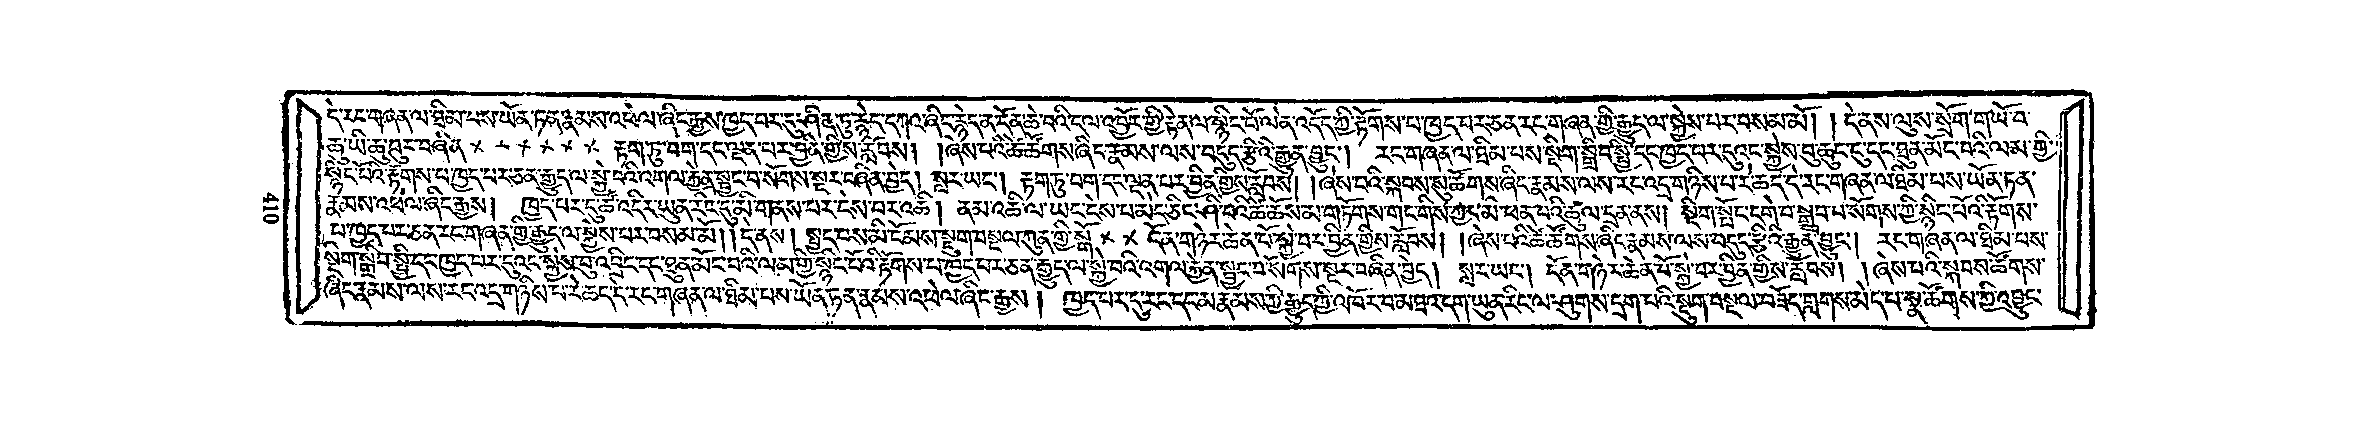དེ་རང་གཞན་ལ་ཐིམ་པས་ཡོན་ཏན་རྣམས་འཕེལ་ཞིང་རྒྱས་ཁྱད་པར་དུ་ཤིན་ཏུ་རྙེད་དཀའ་ཞིང་རྙེད་ན་དོན་ཆེ་བའི་དལ་འབྱོར་གྱི་རྟེན་ལ་སྙིང་པོ་ལེན་འདོད་ཀྱི་རྟོགས་པ་ཁྱད་པར་ཅན་རང་གཞན་གྱི་རྒྱུད་ལ་སྐྱེས་པར་བསམ་མོ། །དེ་ནས་ལུས་སྲོག་གཡོ་བ་
ཆུ་ཡི་ཆུ་བུར་བཞིན་྾་྾་྾་྾་྾་྾་རྟག་ཏུ་བག་དང་ལྡན་པར་བྱིན་གྱིས་རློབས། །ཞེས་པའི་ཚེ་ཚོགས་ཞིང་རྣམས་ལས་བདུད་རྩིའི་རྒྱུན་བྱུང་། རང་གཞན་ལ་ཐིམ་པས་སྡིག་སྒྲིབ་སྤྱི་དང་ཁྱད་པར་དུའང་སྐྱེས་བུ་ཆུང་ངུ་དང་ཐུན་མོང་བའི་ལམ་གྱི་
སྙིང་པོའི་རྟོགས་པ་ཁྱད་པར་ཅན་རྒྱུད་ལ་སྐྱེ་བའི་འགལ་རྐྱེན་སྦྱང་བ་སོགས་སྔར་བཞིན་བྱེད། སླར་ཡང་། རྟག་ཏུ་བག་དང་ལྡན་པར་བྱིན་གྱིས་རློབས། །ཞེས་པའི་སྐབས་སུ་ཚོགས་ཞིང་རྣམས་ལས་རང་འདྲ་གཉིས་པ་རེ་ཆད་དེ་རང་གཞན་ལ་ཐིམ་པས་ཡོན་ཏན་
རྣམས་འཕེལ་ཞིང་རྒྱས། ཁྱད་པར་དུ་ཚེ་འདིར་ཡུན་རིང་དུ་མི་གནས་པར་ངེས་པར་འཆི། ནམ་འཆི་ལ་ཡང་ངེས་པ་མེད་ཅིང་ཤི་བའི་ཚེ་ཆོས་མ་གཏོགས་གང་གིས་ཀྱང་མི་ཕན་པའི་ཚུལ་དྲན་ནས། སྡིག་སྤོང་དགེ་བ་སྒྲུབ་པ་སོགས་ཀྱི་སྙིང་པོའི་རྟོགས་
པ་ཁྱད་པར་ཅན་རང་གཞན་གྱི་རྒྱུད་ལ་སྐྱེས་པར་བསམ་མོ། །དེ་ནས། སྤྱད་པས་མི་ངོམས་སྡུག་བསྔལ་ཀུན་གྱི་སྒོ་྾་྾་དོན་གཉེར་ཆེན་པོ་སྐྱེ་བར་བྱིན་གྱིས་རློབས། །ཞེས་པའི་ཚེ་ཚོགས་ཞིང་རྣམས་ལས་བདུད་རྩིའི་རྒྱུན་བྱུང་། རང་གཞན་ལ་ཐིམ་པས་
སྡིག་སྒྲིབ་སྤྱི་དང་ཁྱད་པར་དུའང་སྐྱེས་བུ་འབྲིང་དང་ཐུན་མོང་བའི་ལམ་གྱི་སྙིང་པོའི་རྟོགས་པ་ཁྱད་པར་ཅན་རྒྱུད་ལ་སྐྱེ་བའི་འགལ་རྐྱེན་སྦྱང་བ་སོགས་སྔར་བཞིན་བྱེད། སླར་ཡང་། དོན་གཉེར་ཆེན་པོ་སྐྱེ་བར་བྱིན་གྱིས་རློབས། །ཞེས་པའི་སྐབས་ཚོགས་
ཞིང་རྣམས་ལས་རང་འདྲ་གཉིས་པ་རེ་ཆད་དེ་རང་གཞན་ལ་ཐིམ་པས་ཡོན་ཏན་རྣམས་འཕེལ་ཞིང་རྒྱས། ཁྱད་པར་དུ་རང་དང་མ་རྣམས་ཀྱི་རྒྱུད་ཀྱི་འཁོར་བ་མཐའ་དག་ཡུན་རིང་ལ་ཤུགས་དྲག་པའི་སྡུག་བསྔལ་བཟོད་གླགས་མེད་པ་སྣ་ཚོགས་ཀྱི་འབྱུང་